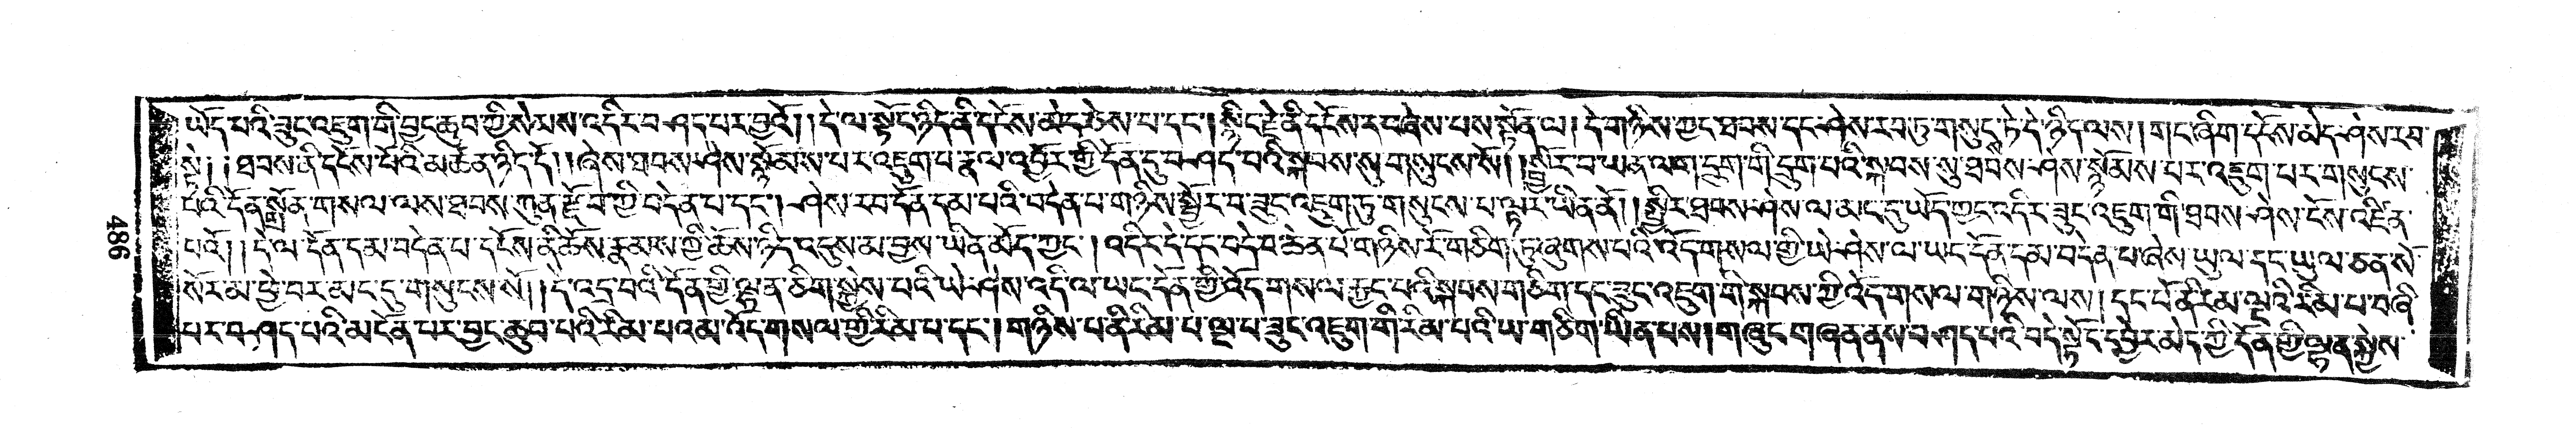ཡོད་པའི་ཟུང་འཇུག་གི་བྱང་ཆུབ་ཀྱི་སེམས་འདིར་བཤད་པར་བྱའོ། །དེ་ལ་སྟོང་ཉིད་ནི་དངོས་མེད་ཅེས་པ་དང་། སྙིང་རྗེ་ནི་དངོས་དང་ཞེས་པས་སྟོན་ལ། དེ་གཉིས་ཀྱང་ཐབས་དང་ཤེས་རབ་ཏུ་གསུངས་ཏེ་དེ་ཉིད་ལས། གང་ཞིག་དངོས་མེད་ཤེས་རབ་
སྟེ། །ཐབས་ནི་དངོས་པོའི་མཚན་ཉིད་དོ། །ཞེས་ཐབས་ཤེས་སྙོམས་པར་འཇུག་པ་རྣལ་འབྱོར་གྱི་དོན་དུ་བཤད་པའི་སྐབས་སུ་གསུངས་སོ། །སྦྱོར་བ་ཡན་ལག་དྲུག་གི་དྲུག་པའི་སྐབས་སུ་ཐབས་ཤེས་སྙོམས་པར་འཇུག་པར་གསུངས་
པའི་དོན་སྒྲོན་གསལ་ལས་ཐབས་ཀུན་རྫོབ་ཀྱི་བདེན་པ་དང་། ཤེས་རབ་དོན་དམ་པའི་བདེན་པ་གཉིས་སྦྱོར་བ་ཟུང་འཇུག་ཏུ་གསུངས་པ་ལྟར་ཡིན་ནོ། །སྤྱིར་ཐབས་ཤེས་ལ་མང་དུ་ཡོད་ཀྱང་འདིར་ཟུང་འཇུག་གི་ཐབས་ཤེས་ངོས་འཛིན་
པའོ། །དེ་ལ་དོན་དམ་བདེན་པ་དངོས་ནི་ཆོས་རྣམས་ཀྱི་ཆོས་ཉིད་འདུས་མ་བྱས་ཡིན་མོད་ཀྱང་། འདིར་དེ་དང་བདེ་བ་ཆེན་པོ་གཉིས་རོ་གཅིག་ཏུ་ཞུགས་པའི་འོད་གསལ་གྱི་ཡེ་ཤེས་ལ་ཡང་དོན་དམ་བདེན་པ་ཞེས་ཡུལ་དང་ཡུལ་ཅན་སོ་
སོར་མ་ཕྱེ་བར་མང་དུ་གསུངས་སོ། །དེ་འདྲ་བའི་དོན་གྱི་ལྷན་ཅིག་སྐྱེས་པའི་ཡེ་ཤེས་འདི་ལ་ཡང་དོན་གྱི་འོད་གསལ་རྐྱང་པའི་སྐབས་གཅིག་དང་ཟུང་འཇུག་གི་སྐབས་ཀྱི་འོད་གསལ་གཉིས་ལས། དང་པོ་ནི་རིམ་ལྔའི་རིམ་པ་བཞི་
པར་བཤད་པའི་མངོན་པར་བྱང་ཆུབ་པའི་རིམ་པའམ་འོད་གསལ་གྱི་རིམ་པ་དང་། གཉིས་པ་ནི་རིམ་པ་ལྔ་པ་ཟུང་འཇུག་གི་རིམ་པའི་ཡ་གཅིག་ཡིན་པས། གཞུང་གཞན་ནས་བཤད་པའི་བདེ་སྟོང་དབྱེར་མེད་ཀྱི་དོན་གྱི་ལྷན་སྐྱེས་